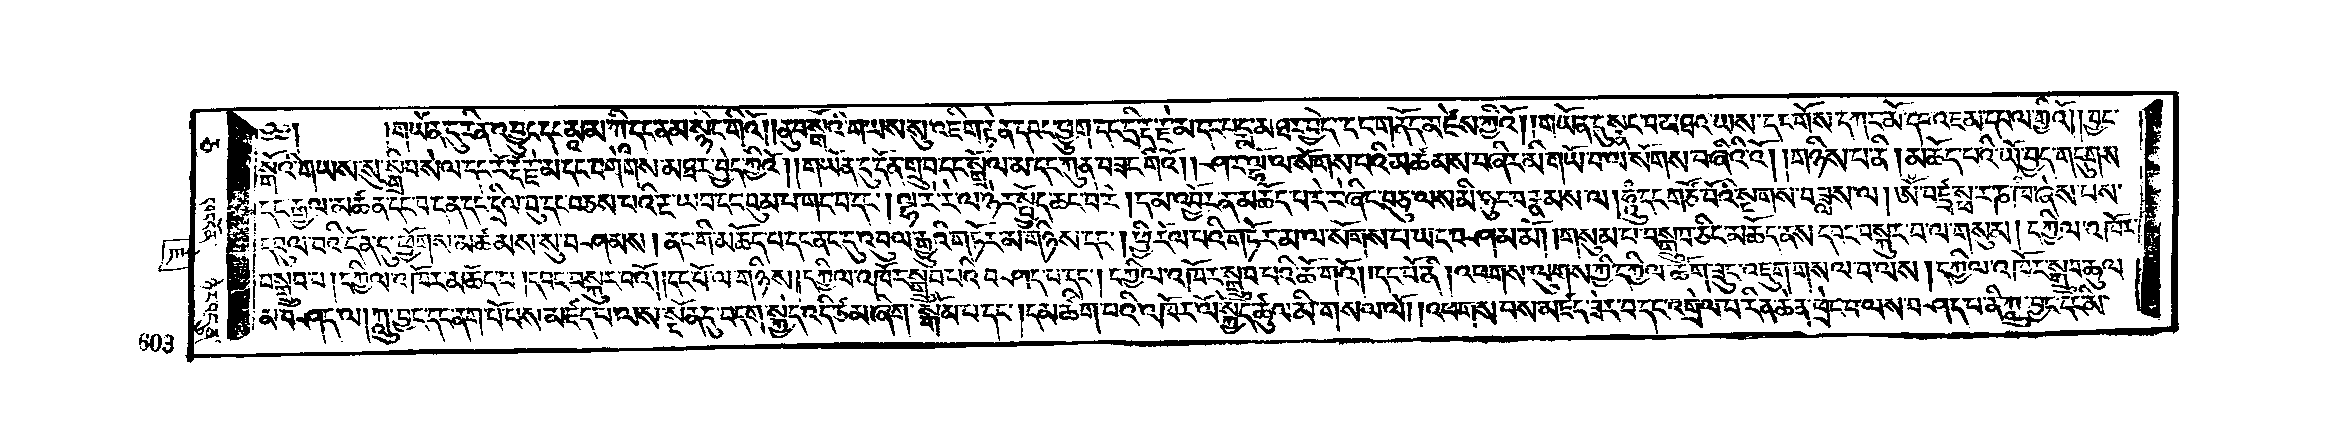༄༅། །གཡོན་དུ་རིན་འབྱུང་དང་མཱ་མ་ཀཱི་དང་ནམ་སྙིང་གིའོ། །ནུབ་སྒོའི་གཡས་སུ་འཇིག་རྟེན་དབང་ཕྱུག་དང་དྲི་རྡོ་རྗེ་མ་དང་པདམ་མཐར་བྱེད་དང་གནོད་མཛེས་ཀྱིའོ། །གཡོན་དུ་སྣང་བ་མཐའ་ཡས་དང་གོས་དཀར་མོ་དང་འཇམ་དཔལ་གྱིའོ། །བྱང་
སྒོའི་གཡས་སུ་སྒྲིབ་སེལ་དང་རོ་རྡོ་རྗེ་མ་དང་བགེགས་མཐར་བྱེད་ཀྱིའོ། །གཡོན་དུ་དོན་གྲུབ་དང་སྒྲོལ་མ་དང་ཀུན་བཟང་གིའོ། །ཤར་ལྷོ་ལ་སོགས་པའི་མཚམས་བཞིར་མི་གཡོ་བ་ལ་སོགས་བཞིའི་འོ། །གཉིས་པ་ནི། མཆོད་པའི་ཡོ་བྱད་གདུགས་
དང་རྒྱལ་མཚན་དང་བ་དན་དང་དྲིལ་བུ་དང་བཅས་པའི་རྔ་ཡབ་དང་བུམ་པ་གང་བ་དང་། ལྷ་རེ་རེ་ལ་ཉེར་སྤྱོད་ཆང་བ་རེ། དེ་མ་འབྱོར་ན་མཆོད་པ་རེ་རེ་ཞིང་བཅུ་ལས་མི་ཉུང་བ་རྣམས་ལ། ཧཱུཾ་དང་གཙོ་བོའི་སྔགས་བཟླས་ལ། ཨོཾ་བཛྲ་སྥ་ར་ཎ་ཁཾ་ཞེས་པས་
དབུལ་བའི་དོན་དུ་ཕྱོགས་མཚམས་སུ་བཤམས། ནང་གི་མཆོད་པ་དང་ནང་དུ་འབྲུལ་རྒྱུའི་གཏོར་མ་གཉིས་དང་། ཕྱི་རོལ་པའི་གཏོར་མ་ལ་སོགས་པ་ཡང་བཤམ་མོ། །གསུམ་པ་བསྒྲུབ་ཅིང་མཆོད་ནས་དབང་བསྐུར་བ་ལ་གསུམ། དཀྱིལ་འཁོར་
བསྒྲུབ་པ། དཀྱིལ་འཁོར་མཆོད་པ། དབང་བསྐུར་བའོ། །དང་པོ་ལ་གཉིས། དཀྱིལ་འཁོར་སྒྲུབ་པའི་བཤད་པ་དང་། དཀྱིལ་འཁོར་སྒྲུབ་པའི་ཆོ་གའོ། །དང་པོ་ནི། འཕགས་ལུགས་ཀྱི་དཀྱིལ་ཆོག་ཟུང་འཇུག་གསལ་བ་ལས། དཀྱིལ་འཁོར་སྒྲུབ་ཚུལ་
མ་བཤད་ལ། ཀླུ་བྱང་དང་ནག་པོ་པས་མཛད་པ་ལས་སྔོན་དུ་བདག་སྐྱེད་འདི་ཙམ་ཞིག་སྒོམ་པ་དང་། དམ་ཚིག་པའི་འཁོར་ལོ་སྐྱེད་ཚུལ་མི་གསལ་ལོ། །འཕགས་པས་མཛད་ཟེར་བ་དང་འགྲེལ་བ་རིན་ཆེན་ཕྲེང་བ་ལས་བཤད་པ་ནི་ཀླུ་བྱང་དང་མི་